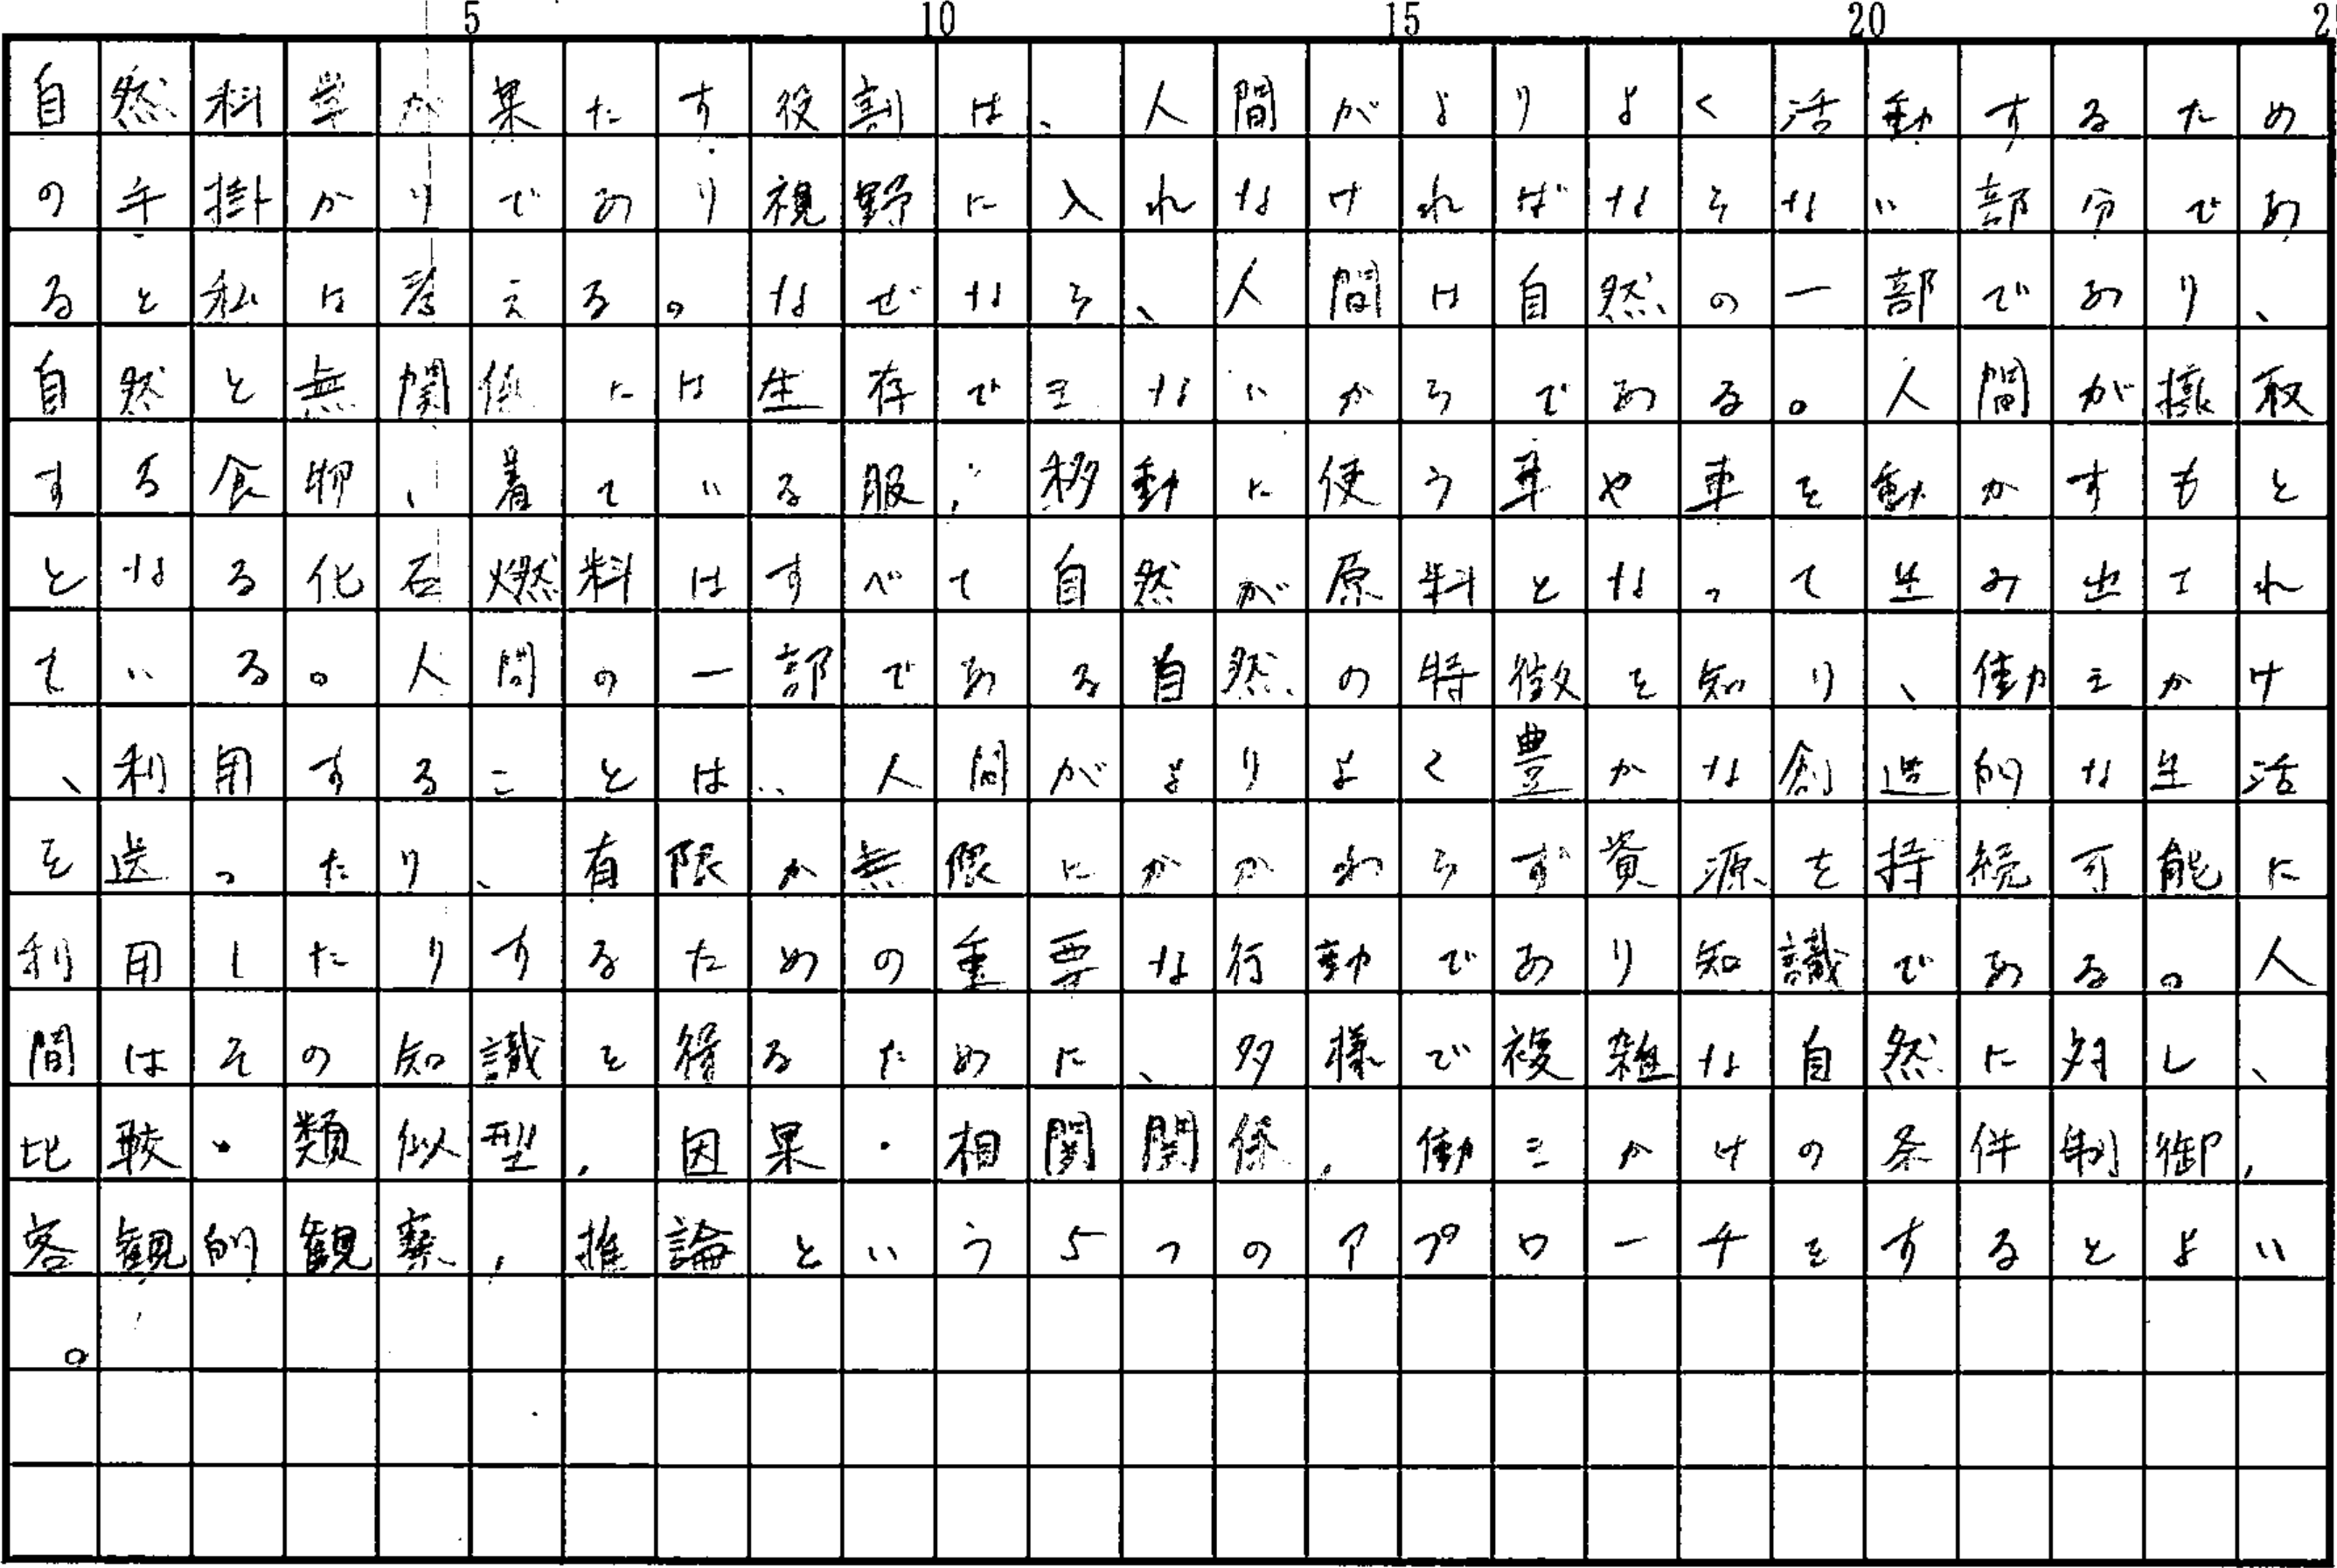自然科学が果たす役割は、人間がよりよく活動するための手掛かりであり視野に入れなければならない部分であると私は考える。なぜなら、人間は自然の一部であり、自然と無関係には生存できないからである。人間が摂取する食物、着ている服、移動に使う車や車を動かすもととなる化石燃料はすべて自然が原料となって生み出されている。人間の一部である自然の特徴を知り、働きかけ、利用することは、人間がよりよく豊かな創造的な生活を送ったり、有限か無限にかかわらず資源を持続可能に利用したりするための重要な行動であり知識である。人間はその知識を得るために、多様で複雑な自然に対し、比較・類似型、因果・相関関係、働きかけの条件制御、客観的観察、推論という５つのアプローチをするとよい。
